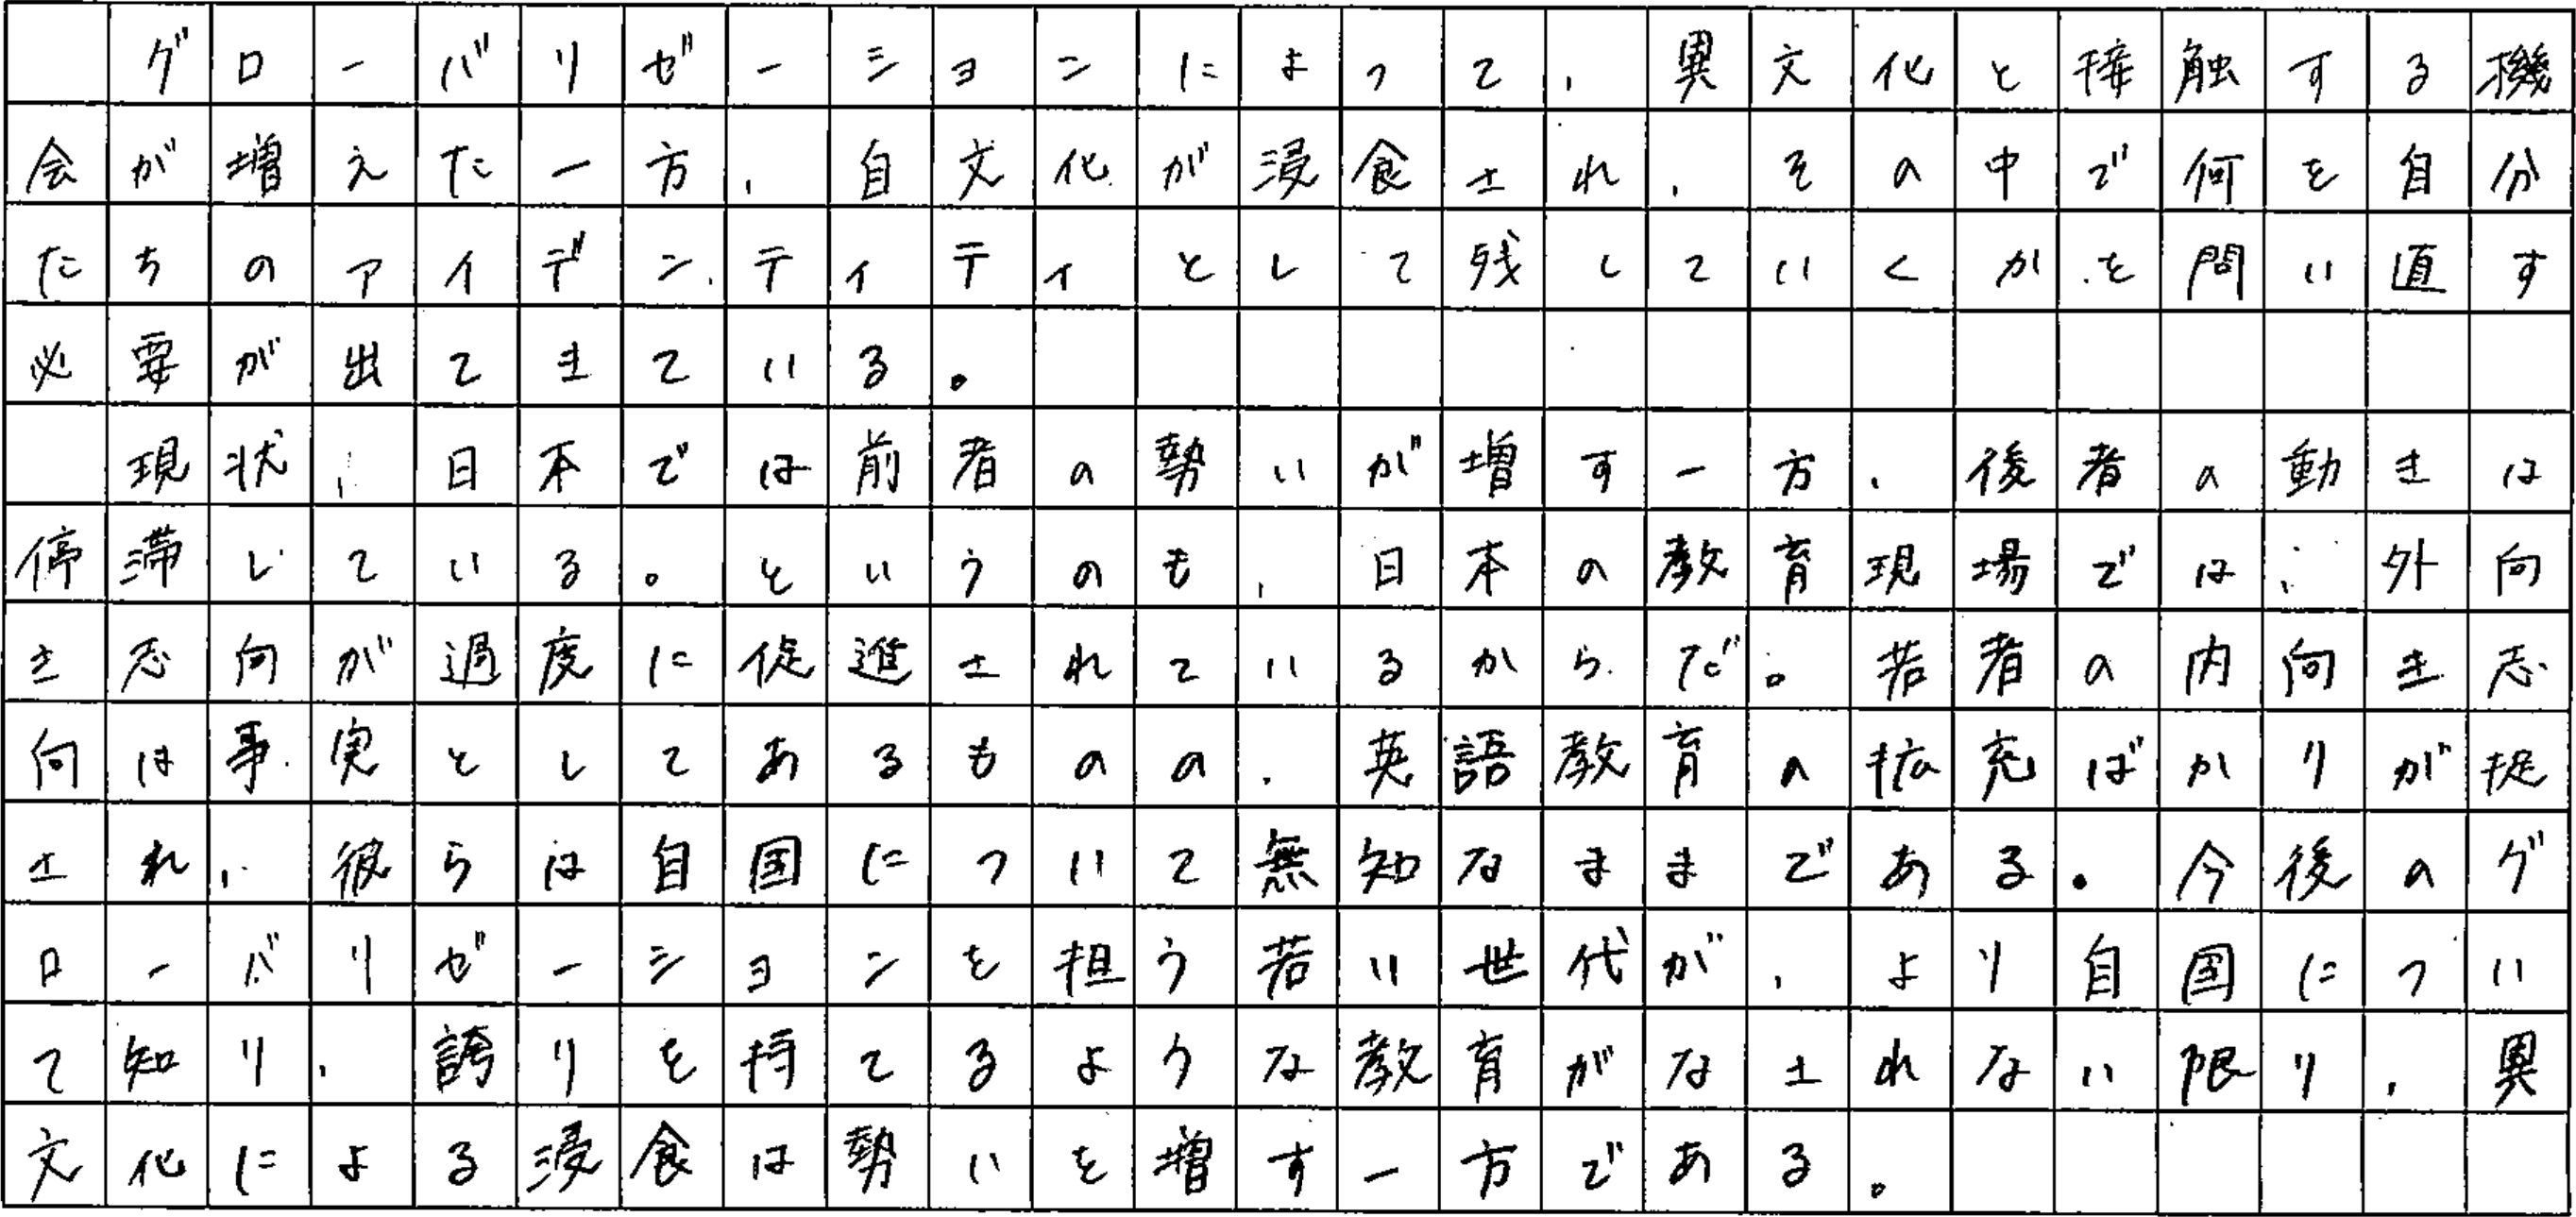　グローバリゼーションによって、異文化と接触する機会が増えた一方、自文化が浸食され、その中で何を自分たちのアイデンティティとして残していくかを問い直す必要が出てきている。
　現状、日本では前者の勢いが増す一方、後者の動きは停滞している。というのも、日本の教育現場では、外向き志向が過度に促進されているからだ。若者の内向き志向は事実としてあるものの、英語教育の拡充ばかりが捉され、彼らは自国について無知なままである。今後のグローバリゼーションを担う若い世代が、より自国について知り、誇りを持てるような教育がなされない限り、異文化による浸食は勢いを増す一方である。
